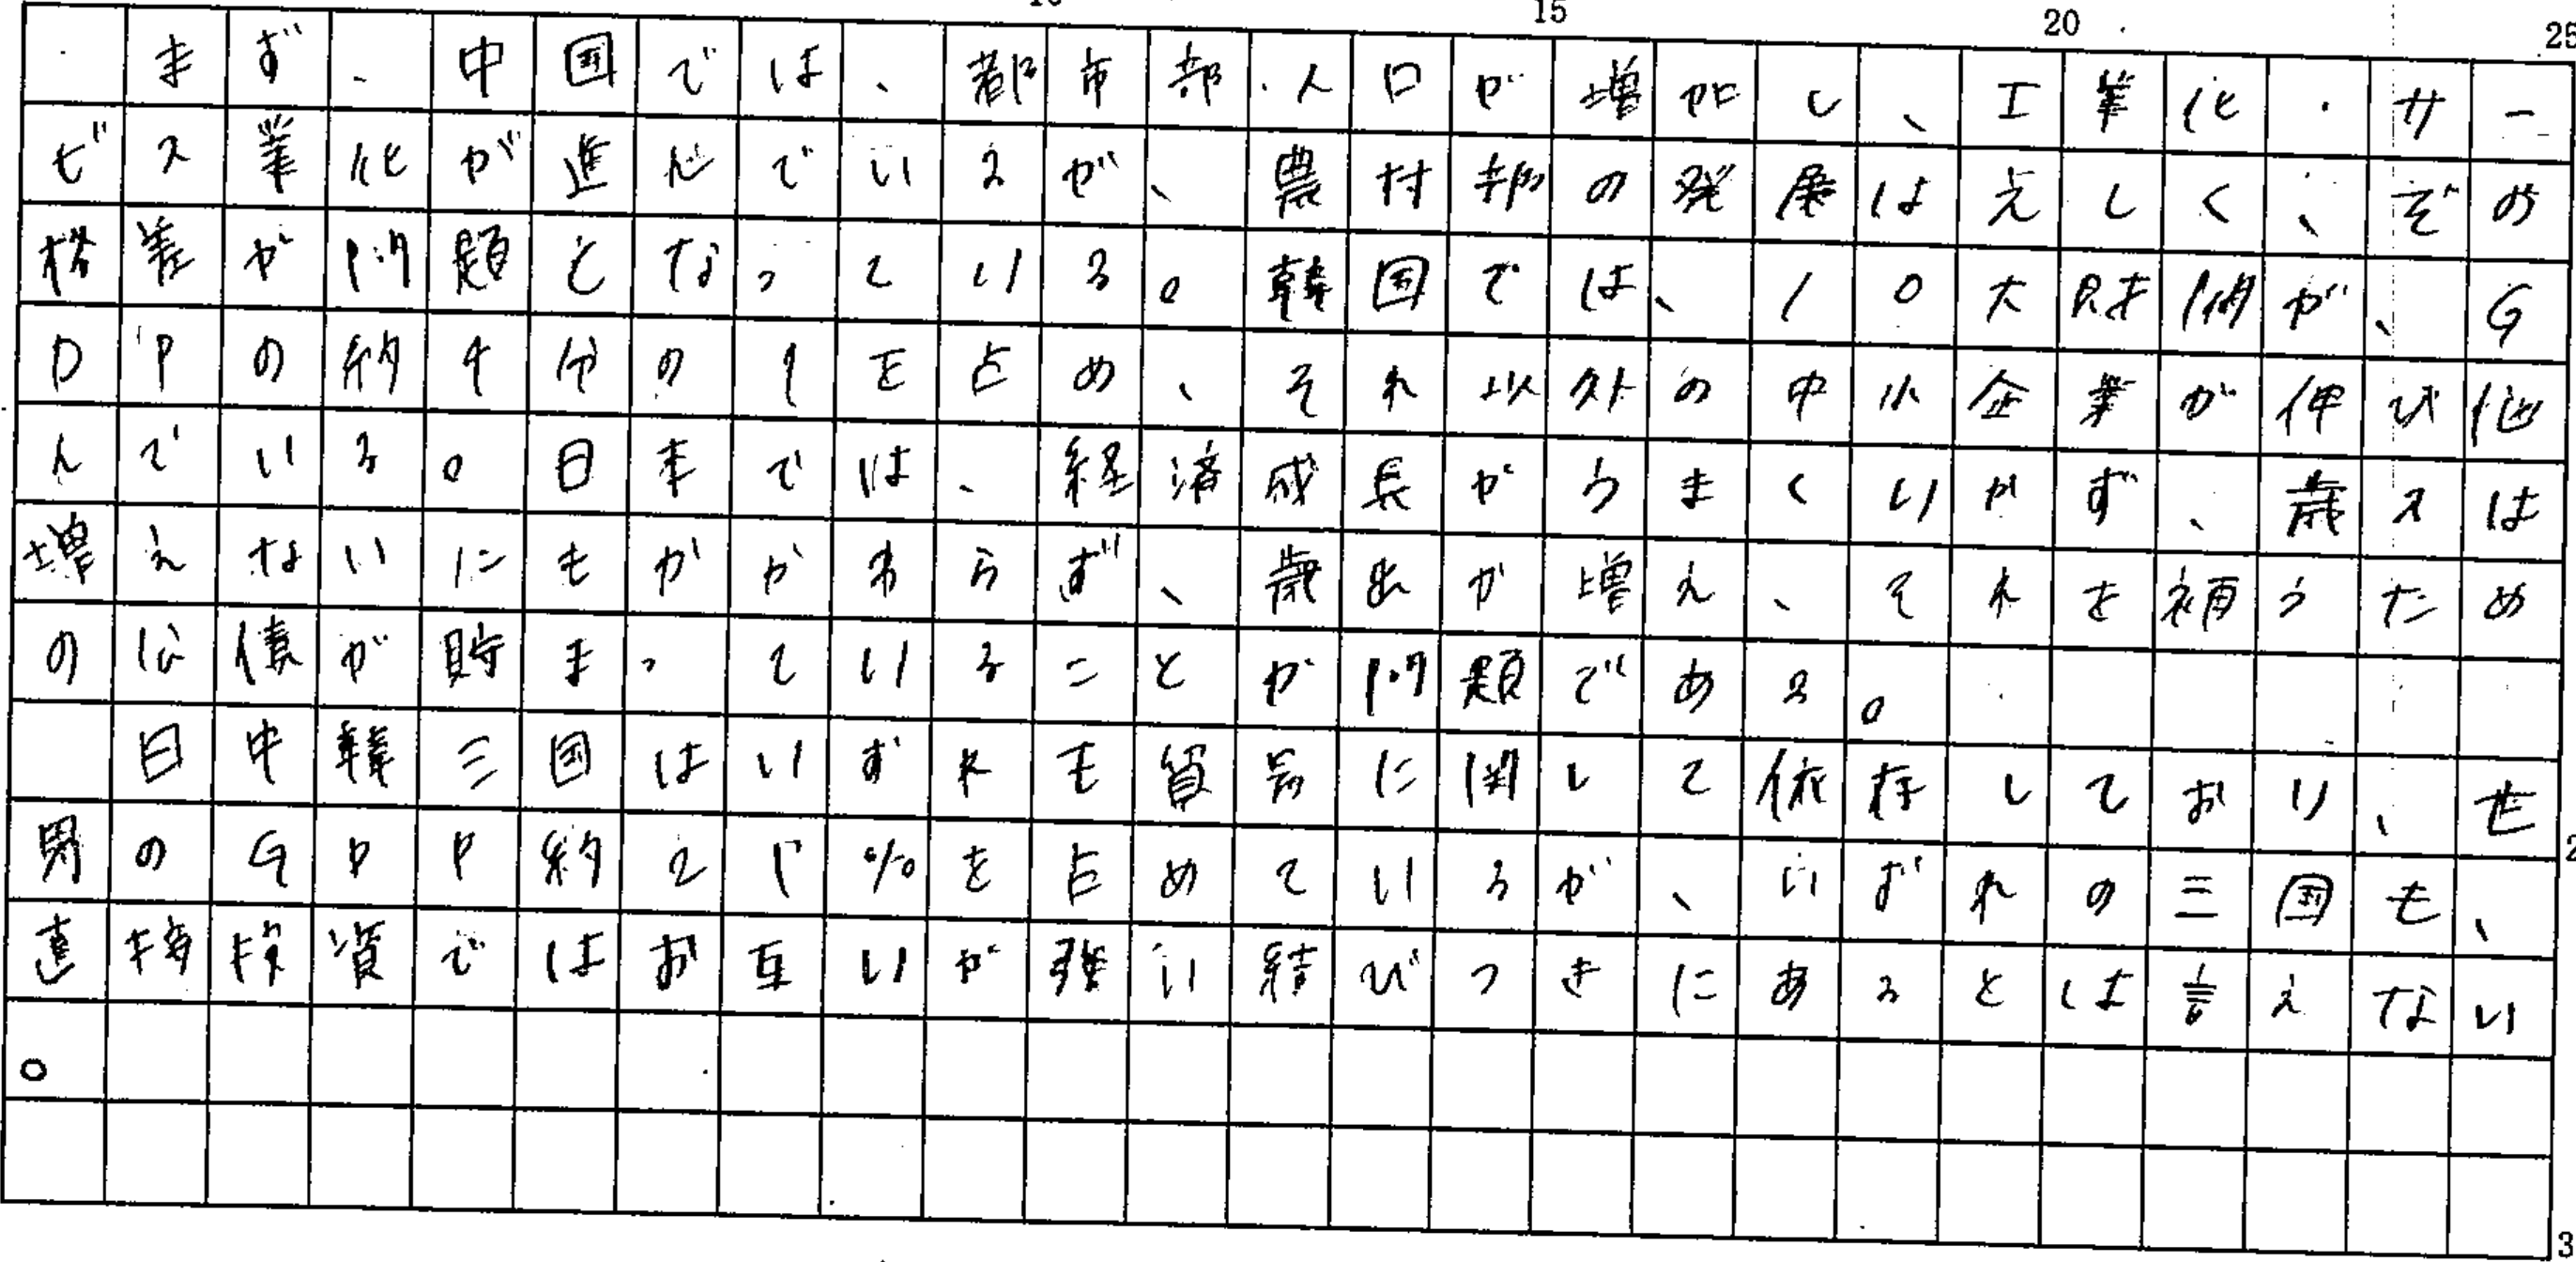　まず、中国では、都市部人口が増加し、工業化・サービス業化が進んでいるが、農村部の発展は之しく、その格差が問題となっている。韓国では、１０大財閥が、ＧＤＰの約４分の１を占め、それ以外の中小企業が伸び悩んでいる。日本では、経済成長がうまくいかず、歳入は増えないにもかかわらず、歳出が増え、それを▁うための公債が▁まっていることが問題である。
　日中韓三国はいずれも貿易に関して依存しており、世界のＧＤＰ約２１％を占めているが、いずれの三国も、直接投資ではお互いが強い結びつきにあるとは言えない。
